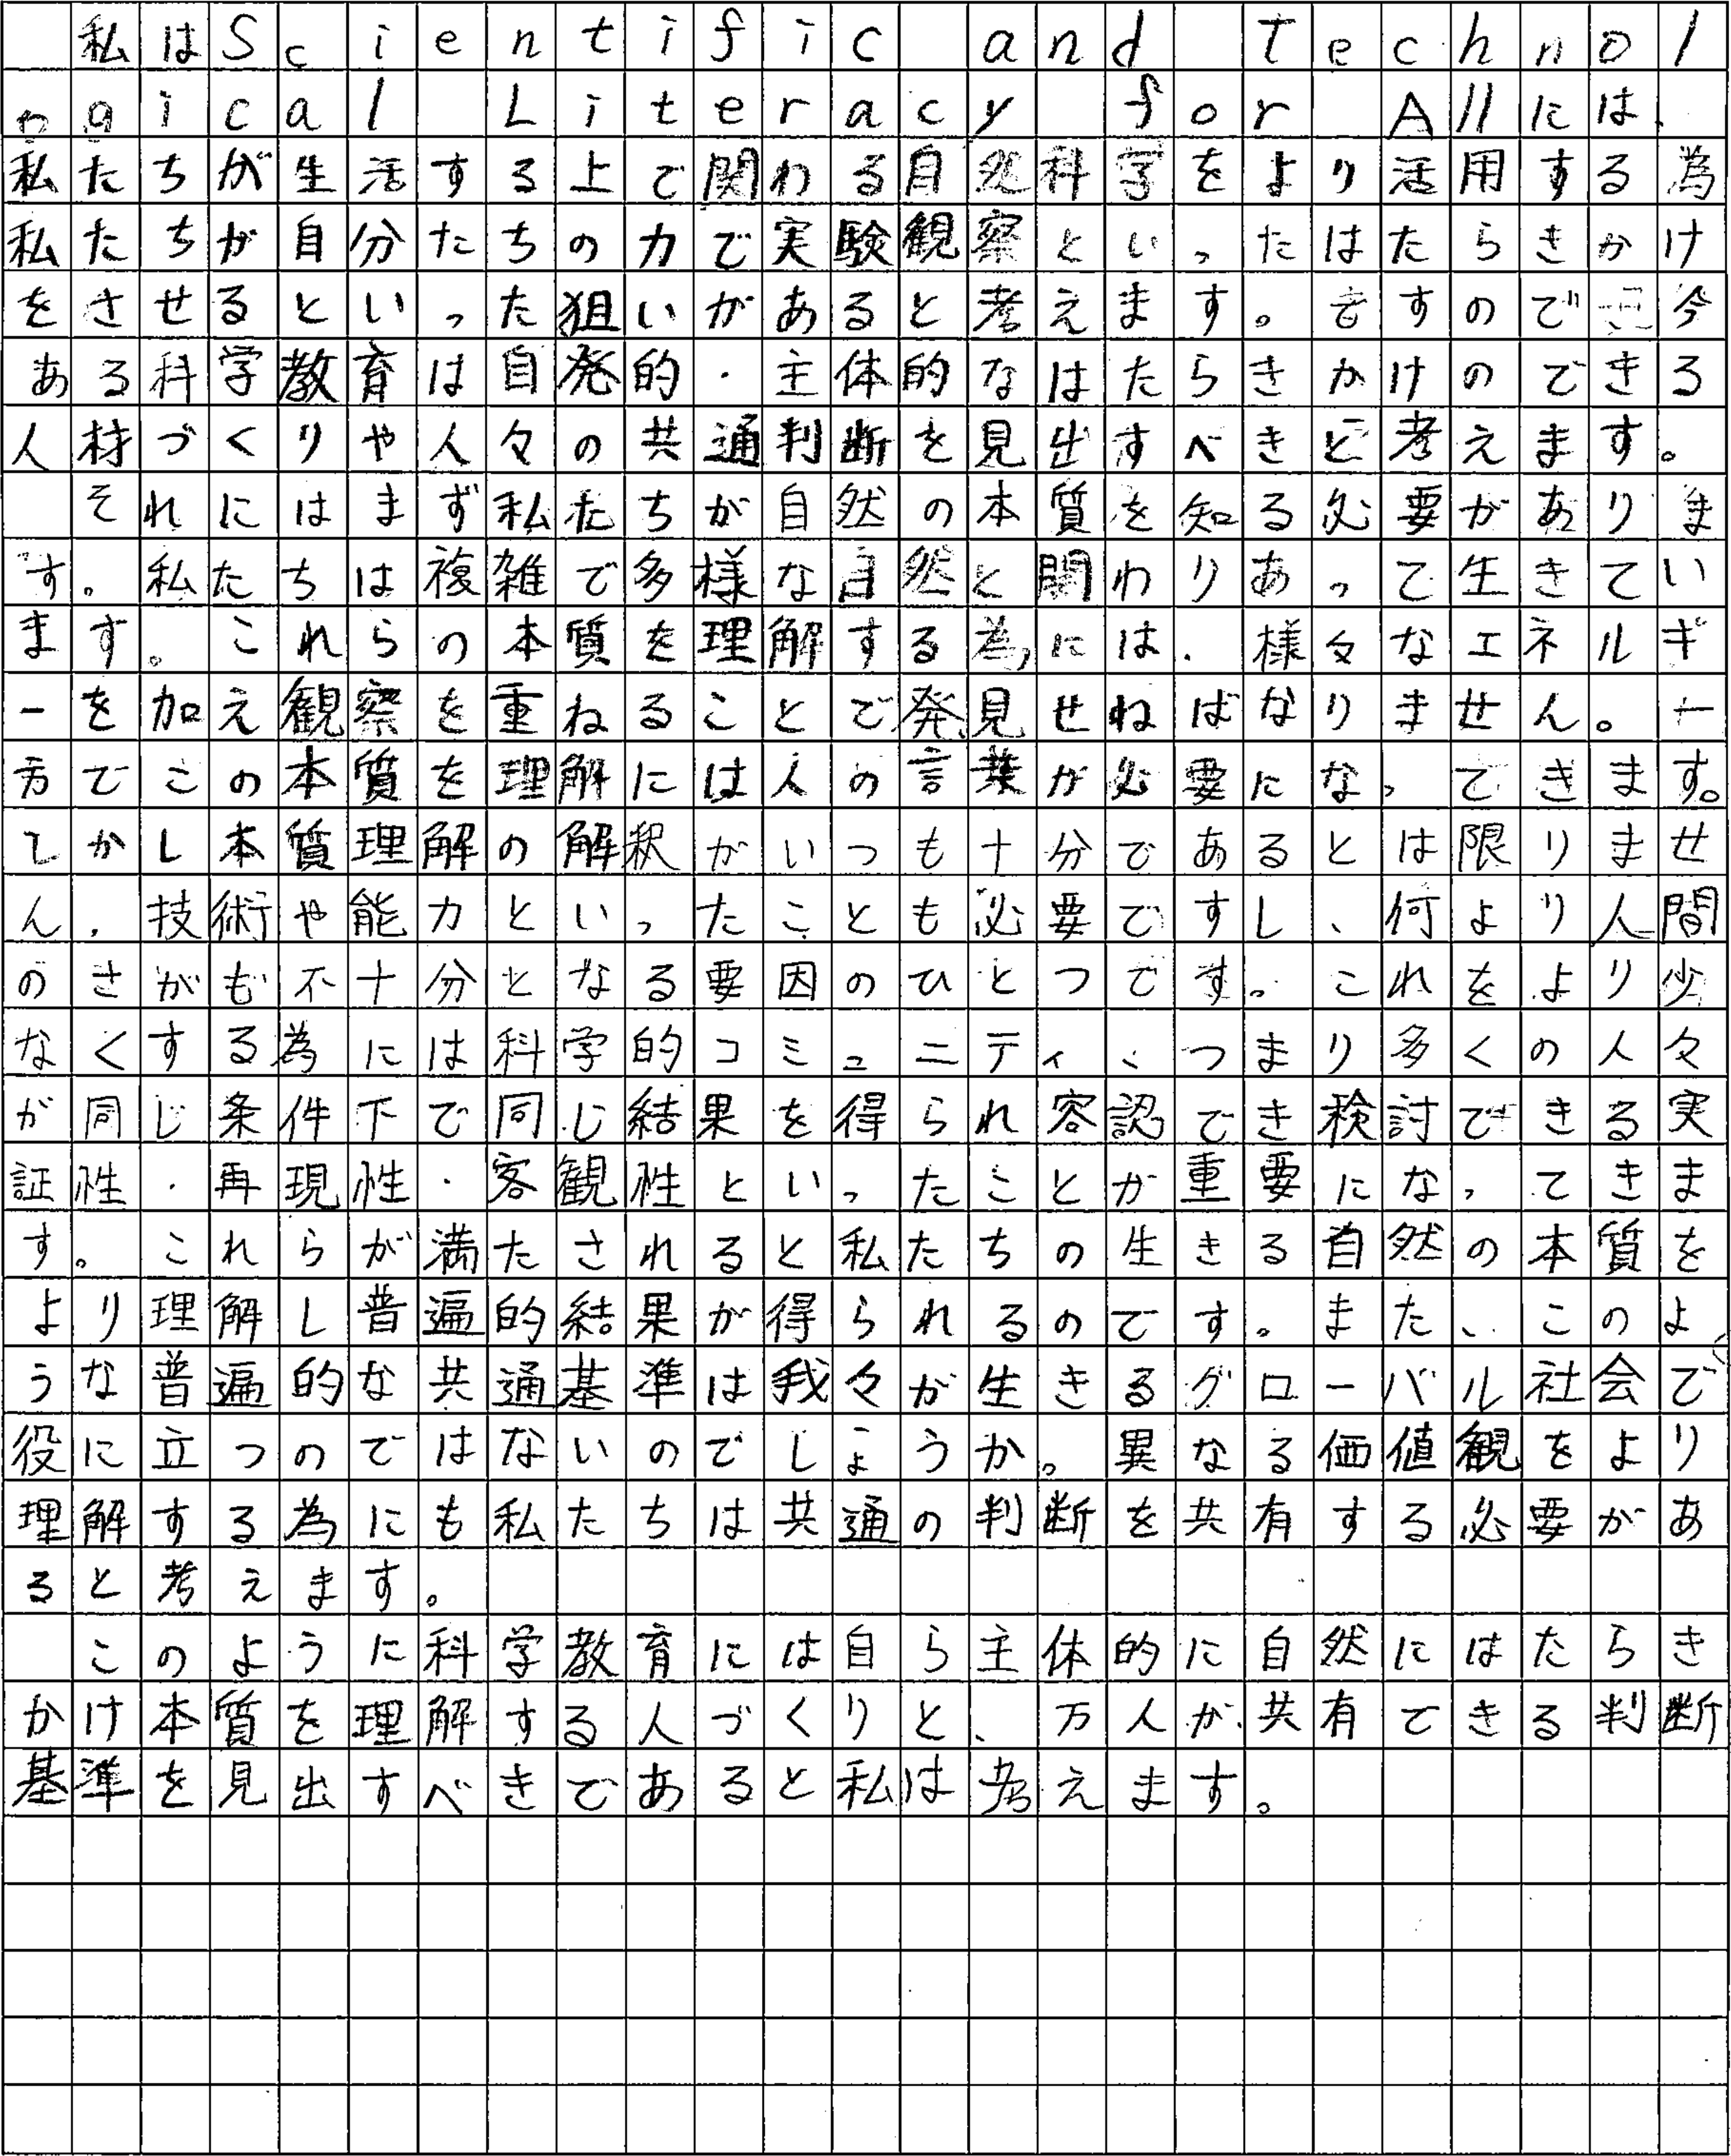　私はＳｃｉｅｎｔｉｆｉｃ　ａｎｄ　Ｔｅｃｈｎｏｌｏｇｉｃａｌ　Ｌｉｔｅｒａｃｙ　ｆｏｒ　Ａｌｌには、私たちが生活する上で関わる自然科学をより活用する為私たちが自分たちの力で実験観察といったはたらきかけをさせるといった狙いがあると考えます。ですので、今ある科学教育は自発的・主体的なはたらきかけのできる人材づくりや人々の共通判断を見出すべきと考えます。　
　それにはまず私たちが自然の本質を知る必要があります。私たちは複雑で多様な自然と関わりあって生きています。これらの本質を理解する為には、様々なエネルギーを加え観察を重ねることで発見せねばなりません。一方でこの本質を理解には人の言葉が必要になってきます。しかし本質理解の解釈がいつも十分であるとは限りません。技術や能力といったことも必要ですし、何より人間のさがも不十分となる要因のひとつです。これをより少なくする為には科学的コミュニティ、つまり多くの人々が同じ条件下で同じ結果を得られ容認でき検討できる実証性・再現性・客観性といったことが重要になってきます。これらが満たされると私たちの生きる自然の本質をより理解し普遍的結果が得られるのです。また、このような普遍的な共通基準は我々が生きるグローバル社会で役に立つのではないのでしょうか。異なる価値観をより理解する為にも私たちは共通の判断を共有する必要があると考えます。
　このように科学教育には自ら主体的に自然にはたらきかけ本質を理解する人づくりと、万人が共有できる判断基準を見出すべきであると私は考えます。
